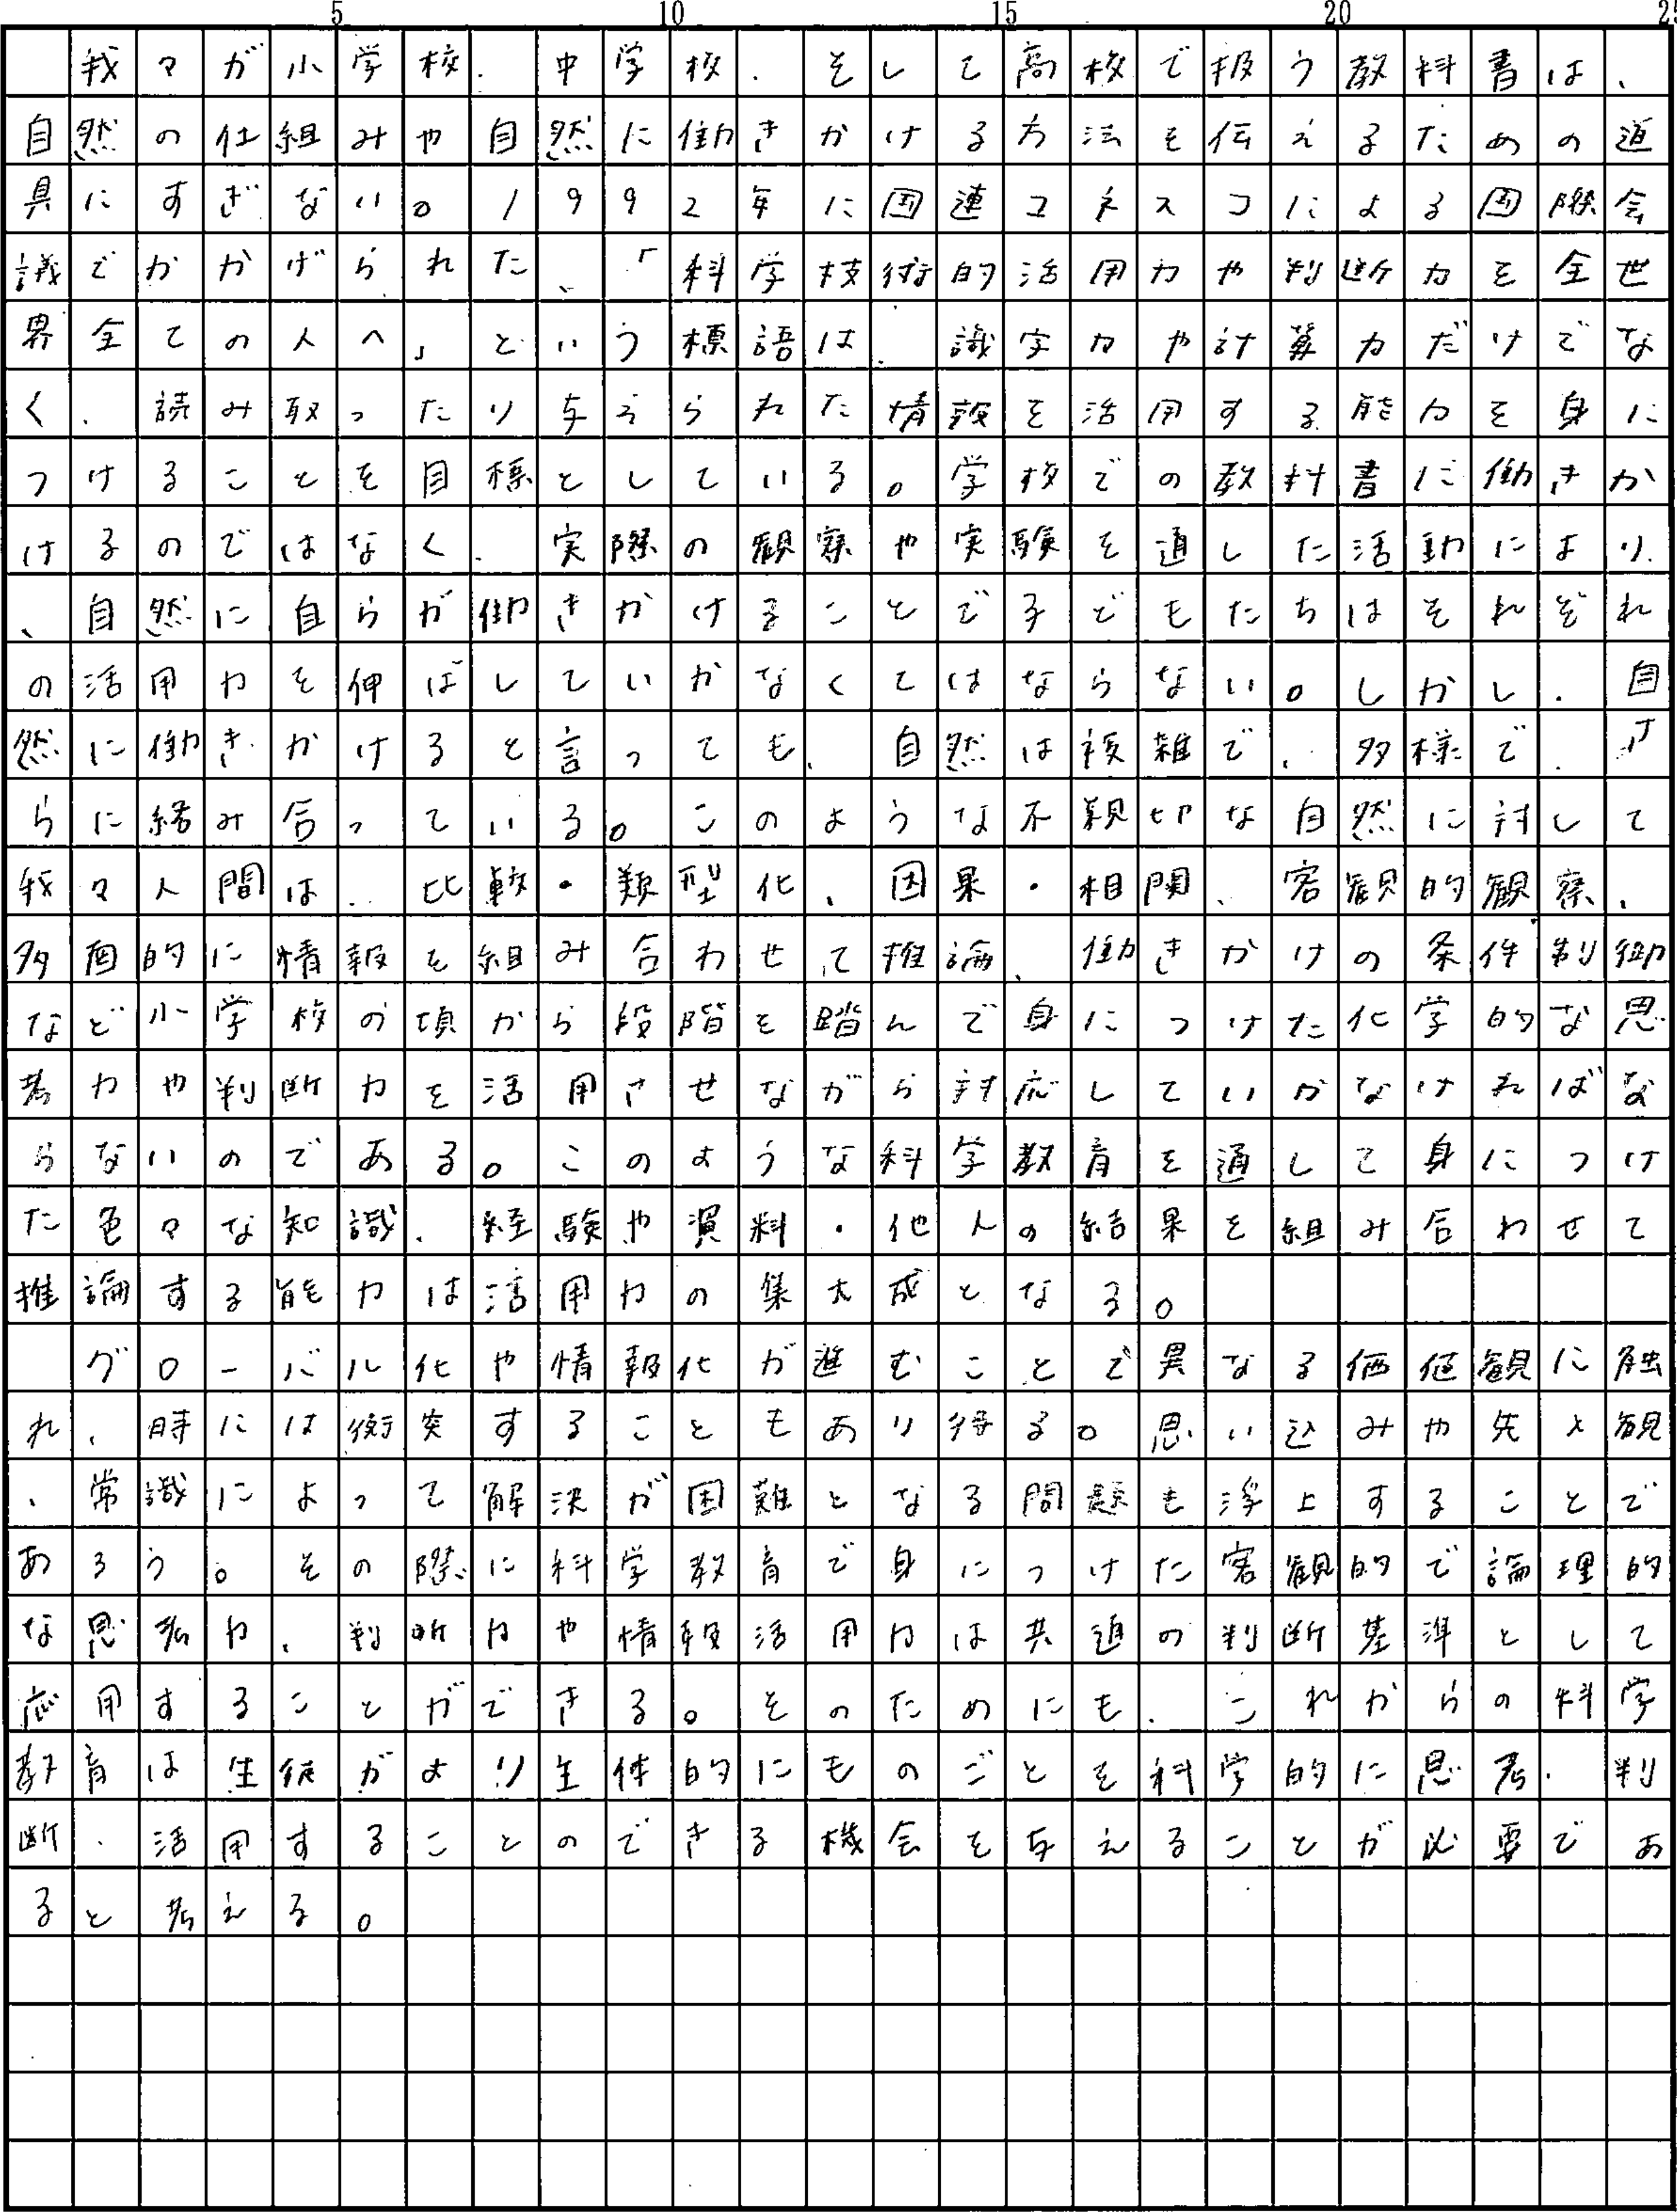　我々が小学校、中学校、そして高校で扱う教科書は、自然の仕組みや自然に働きかける方法を伝えるための道具にすぎない。１９９２年に国連ユネスコによる国際会議でかかげられた、「科学技術的活用力や判断力を全世界全ての人へ」という標語は、識字力や計算力だけでなく、読み取ったり与えられた情報を活用する能力を身につけることを目標としている。学校での教科書に働きかけるのではなく、実際の観察や実験を通した活動により、自然に自らが働きかけることで子どもたちはそれぞれの活用力を伸ばしていかなくてはならない。しかし、自然に働きかけると言っても、自然は複雑で、多様で、▁らに絡み合っている。このような不親切な自然に対して我々人間は、比較・類型化、因果・相関、客観的観察、多面的に情報を組み合わせて推論、働きかけの条件制御など小学校の頃から段階を踏んで身につけた化学的な思考力や判断力を活用させながら対応していかなければならないのである。このような科学教育を通して身につけた色々な知識、経験や資料、他人の結果を組み合わせて推論する能力は活用力の集大成となる。
　グローバル化や情報化が進むことで異なる価値観に触れ、時には衡突することもあり得る。思い込みや先入観、常識によって解決が困難となる問題も浮上することであろう。その際に科学教育で身につけた客観的で論理的な思考力、判断力や情報活用力は共通の判断基準として応用することができる。そのためにも、これからの科学教育は生徒がより主体的にものごとを科学的に思考、判断、活用することのできる機会を与えることが必要であると考える。
